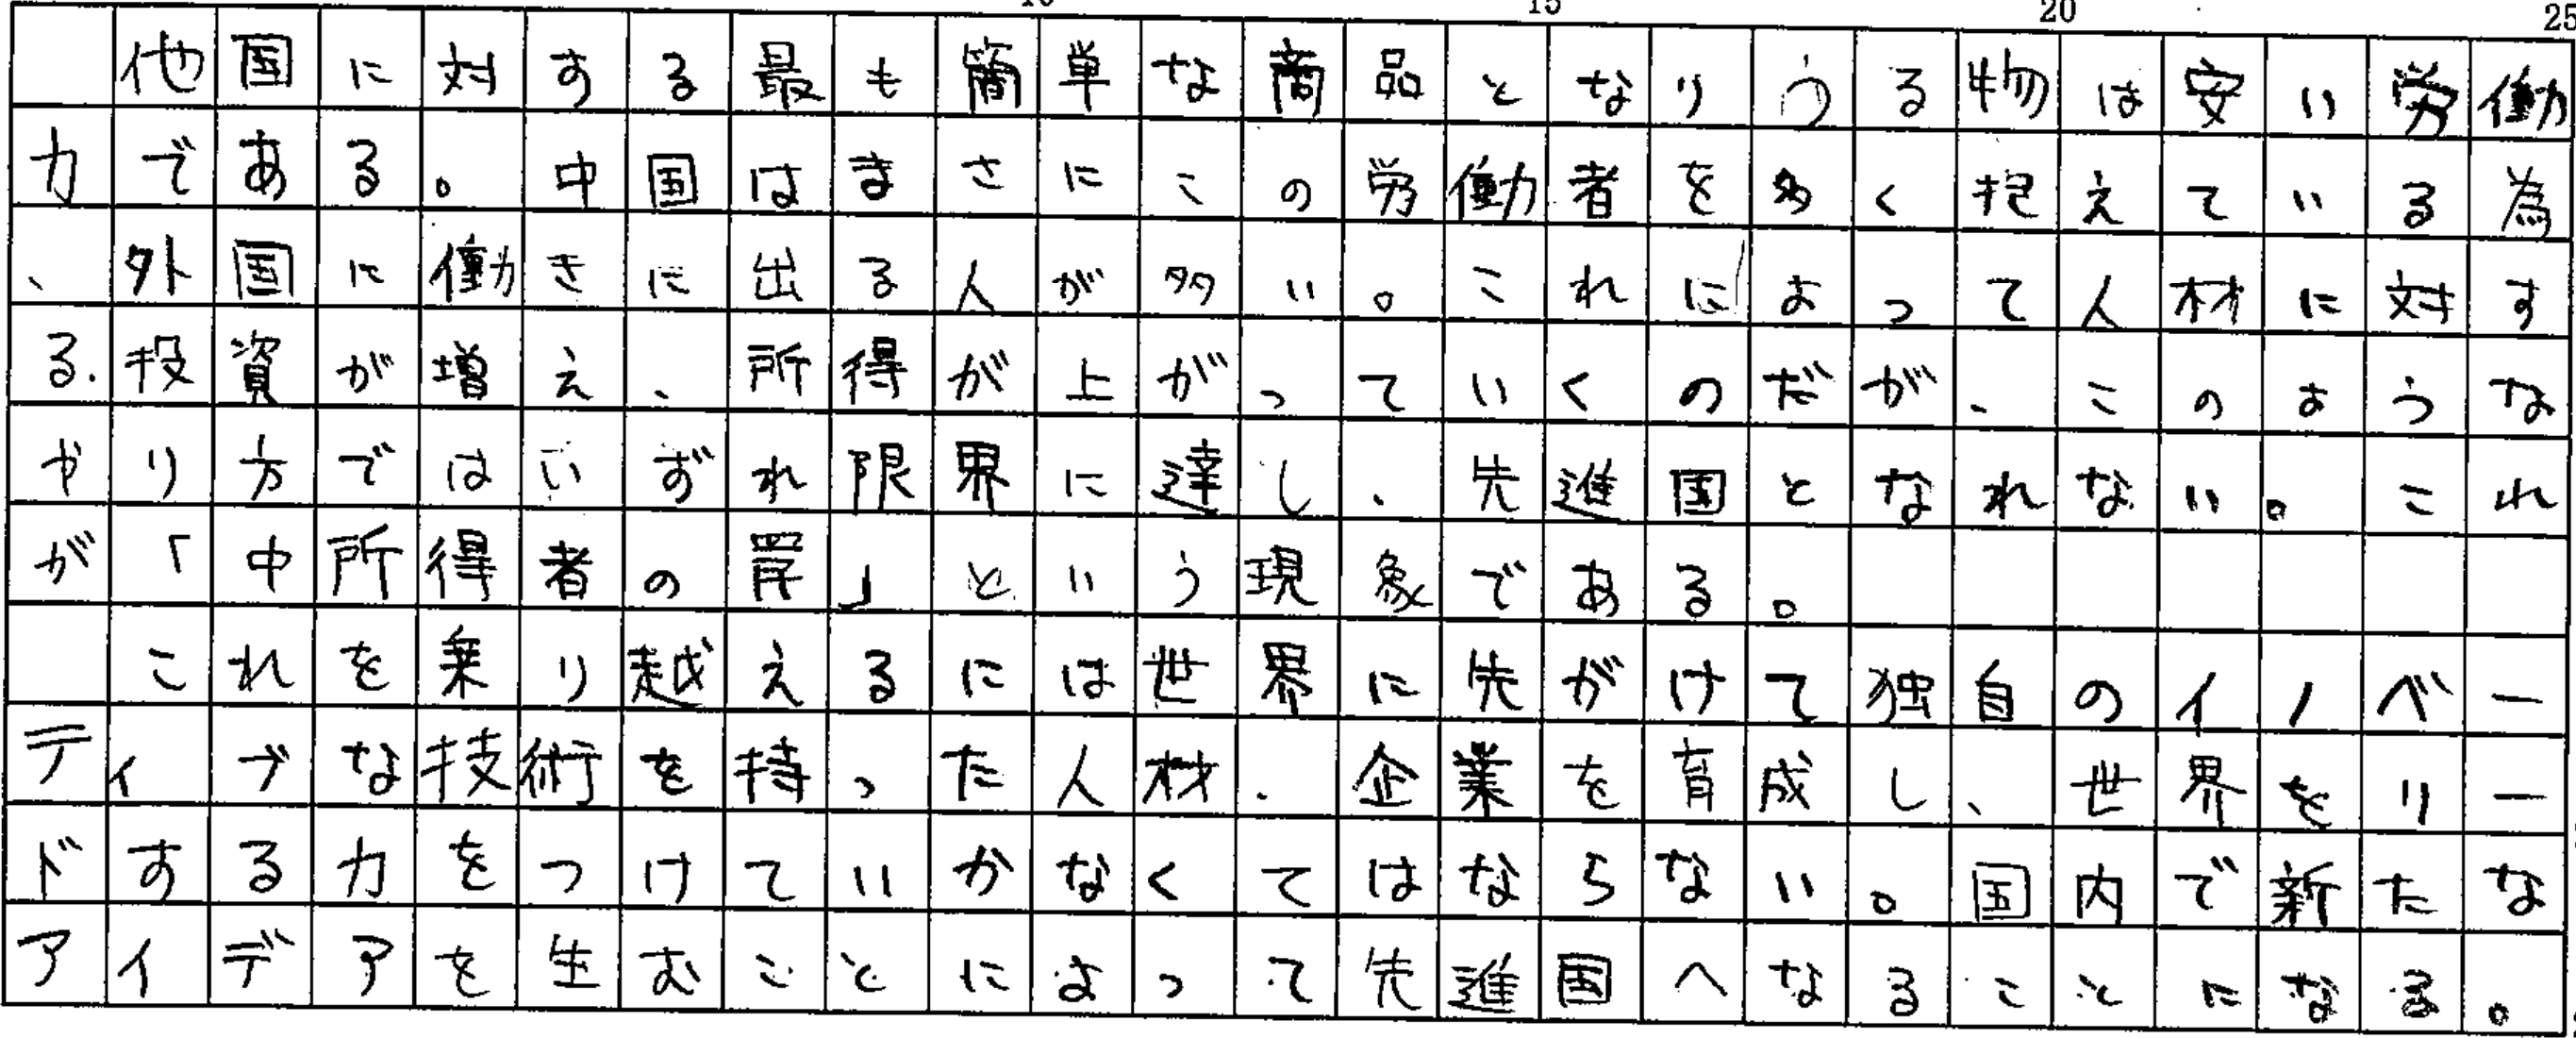　他国に対する最も簡単な商品となりうる物は安い労働力である。中国はまさにこの労働者を多く抱えている為、外国に働きに出る人が多い。これによって人材に対する投資が増え、所得が上がっていくのだが、このようなやり方ではいずれ限界に達し、先進国となれない。これが「中所得者の罠」という現象である。
　これを乗り越えるには世界に先がけて独自のイノベーティブな技術を持った人材、企業を育成し、世界をリードする力をつけていかなくてはならない。国内で新たなアイデアを生むことによって先進国へなることになる。
